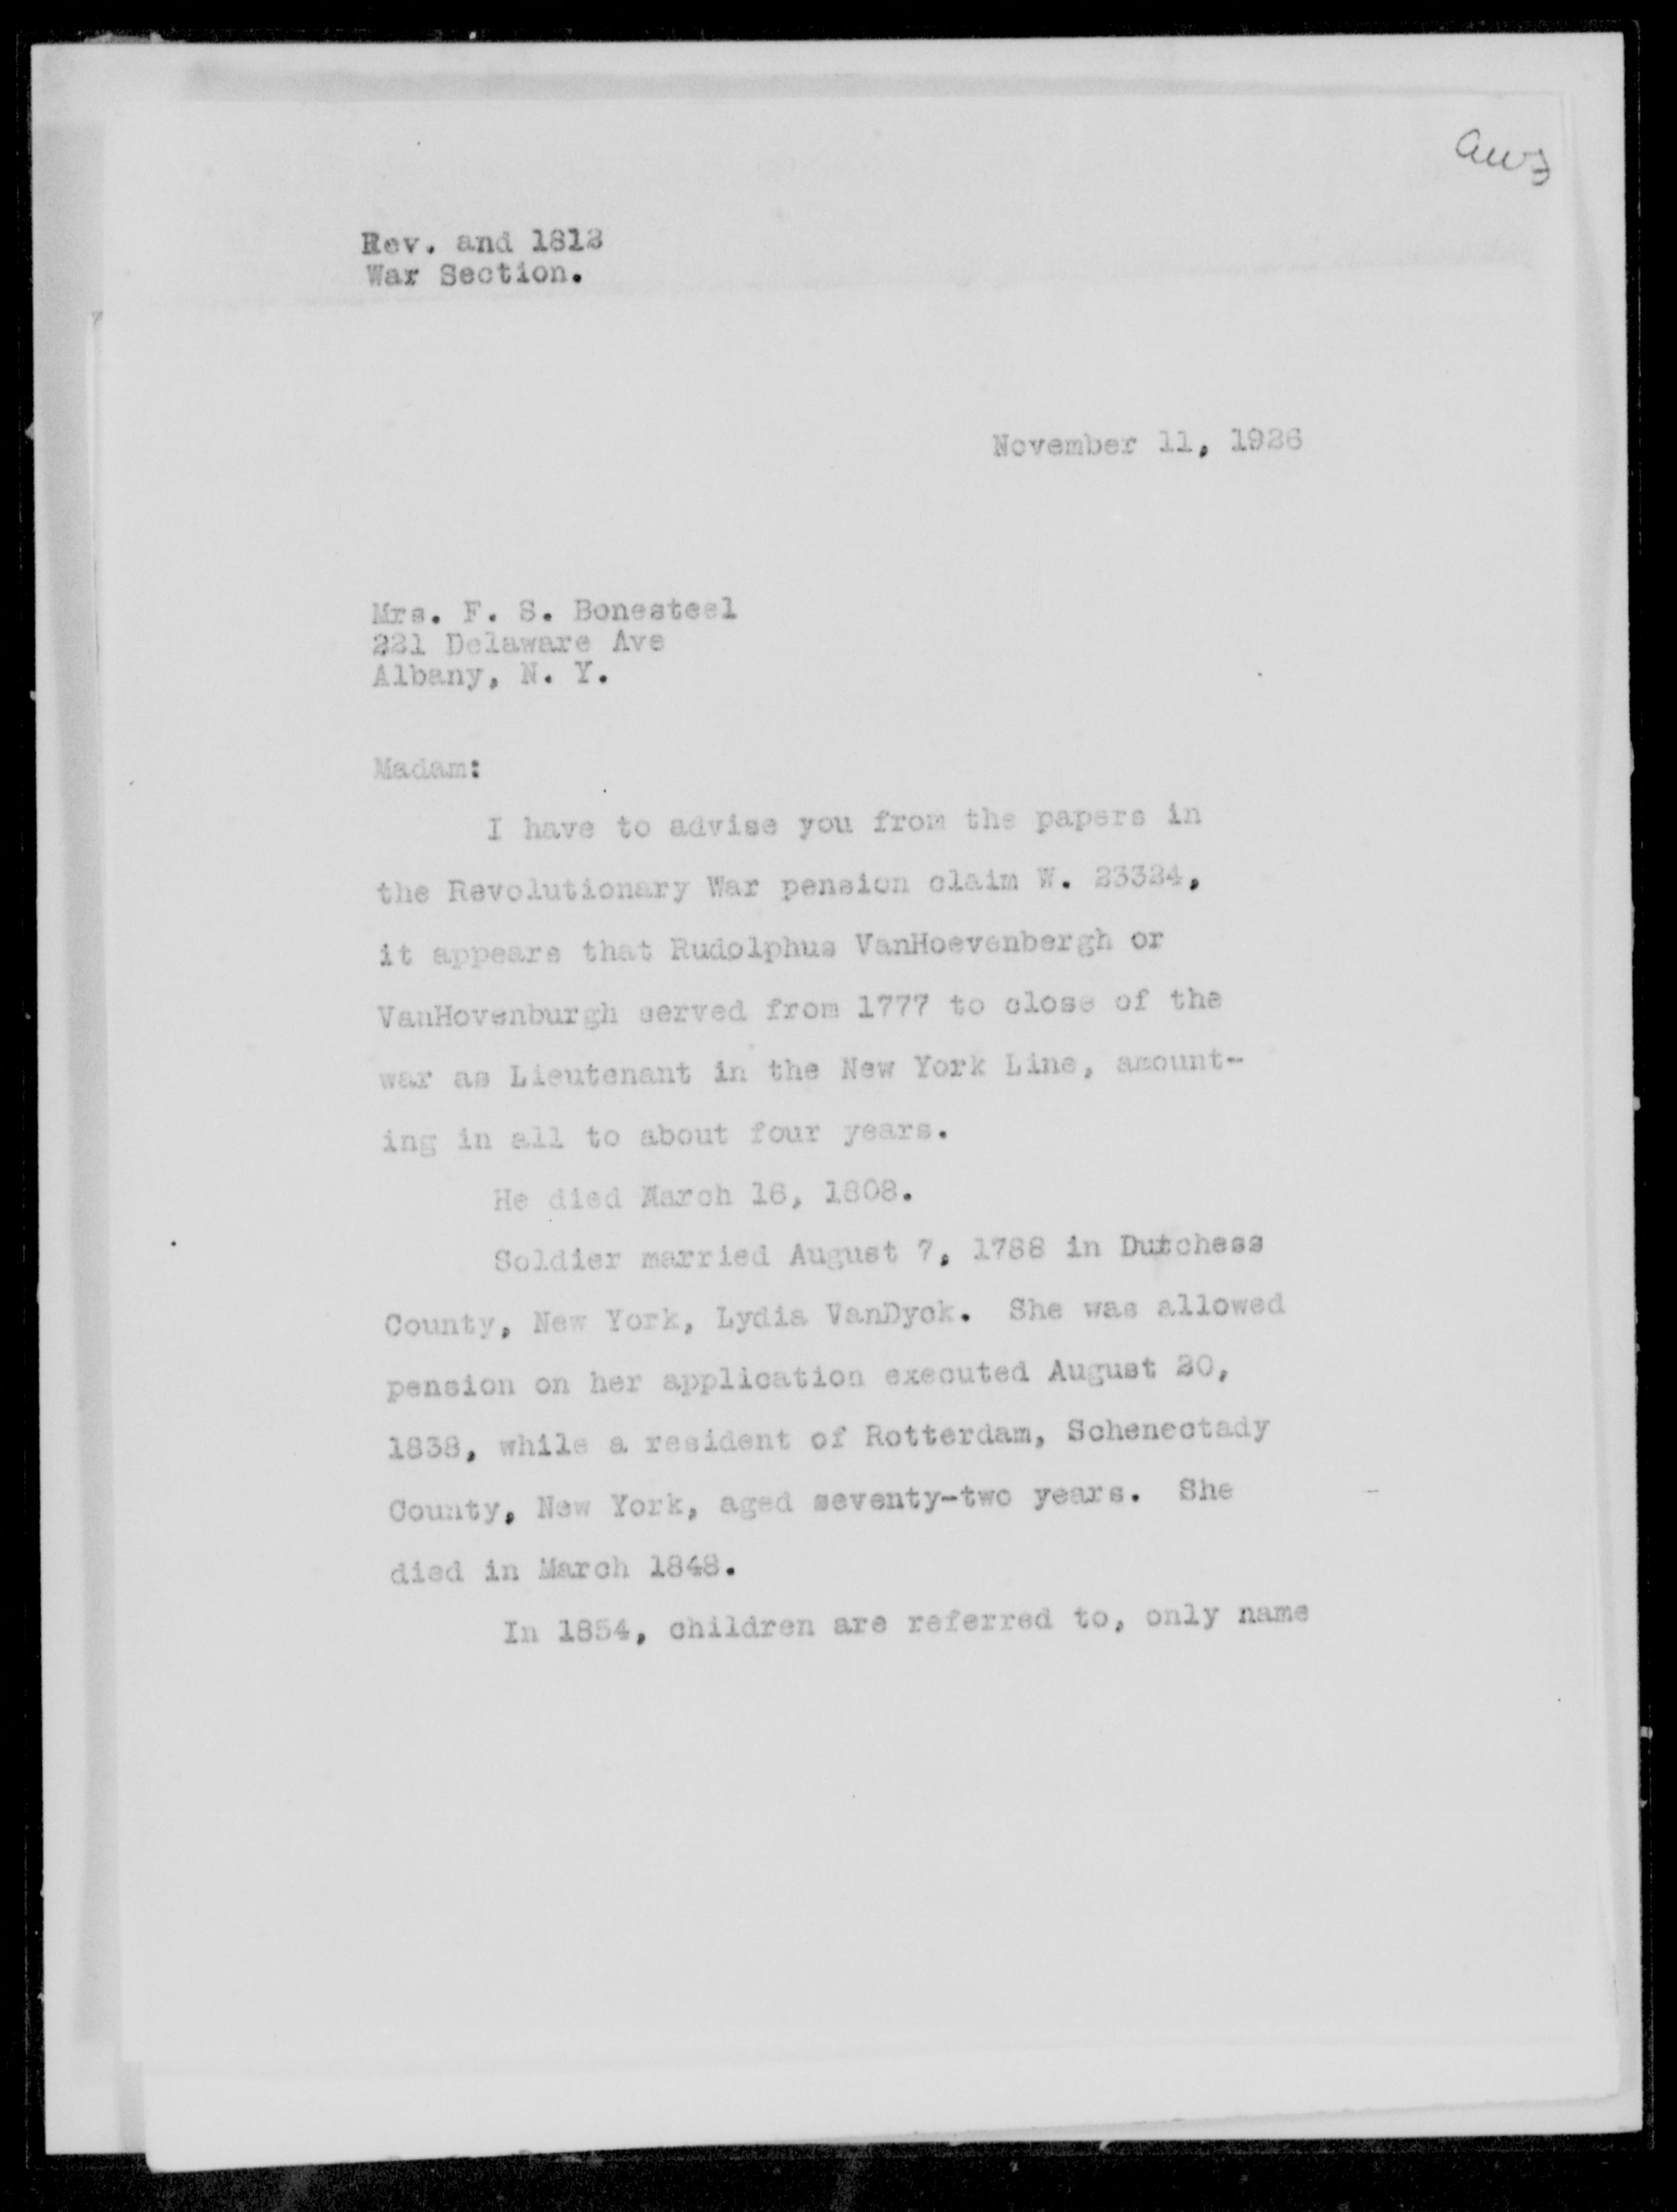Rev. and 1812
War Section.

November 11, 1926
Mrs. F. S. Bonesteel
221 Delaware Ave
Albany, N. Y.

Madam:

I have to advise you from the papers in the Revolutionary War pension claim W. 23324, it appears that Rudolphus Van Hoevenbergh or Van Hovenburgh served from 1777 to close of the war as Lieutenant in the New York Line, amounting in all to about four years.
He died March 16, 1808.
Soldier married August 7, 1788 in Dutchess County, New York, Lydia VanDyck. She was allowed pension on her application executed August 20, 1838, while a resident of Rotterdam, Schenectady County, New York, aged seventy-two years. She died in March 1848.
In 1854, children are referred to, only name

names: Rudolphus Van Hovenburgh, F S Bonesteel, Rudolphus Van Hoevenbergh, Lydia Van Dyck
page: 16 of 38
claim: widow's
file: W. 23324, Rudolphus Van Hoevenbergh, New York